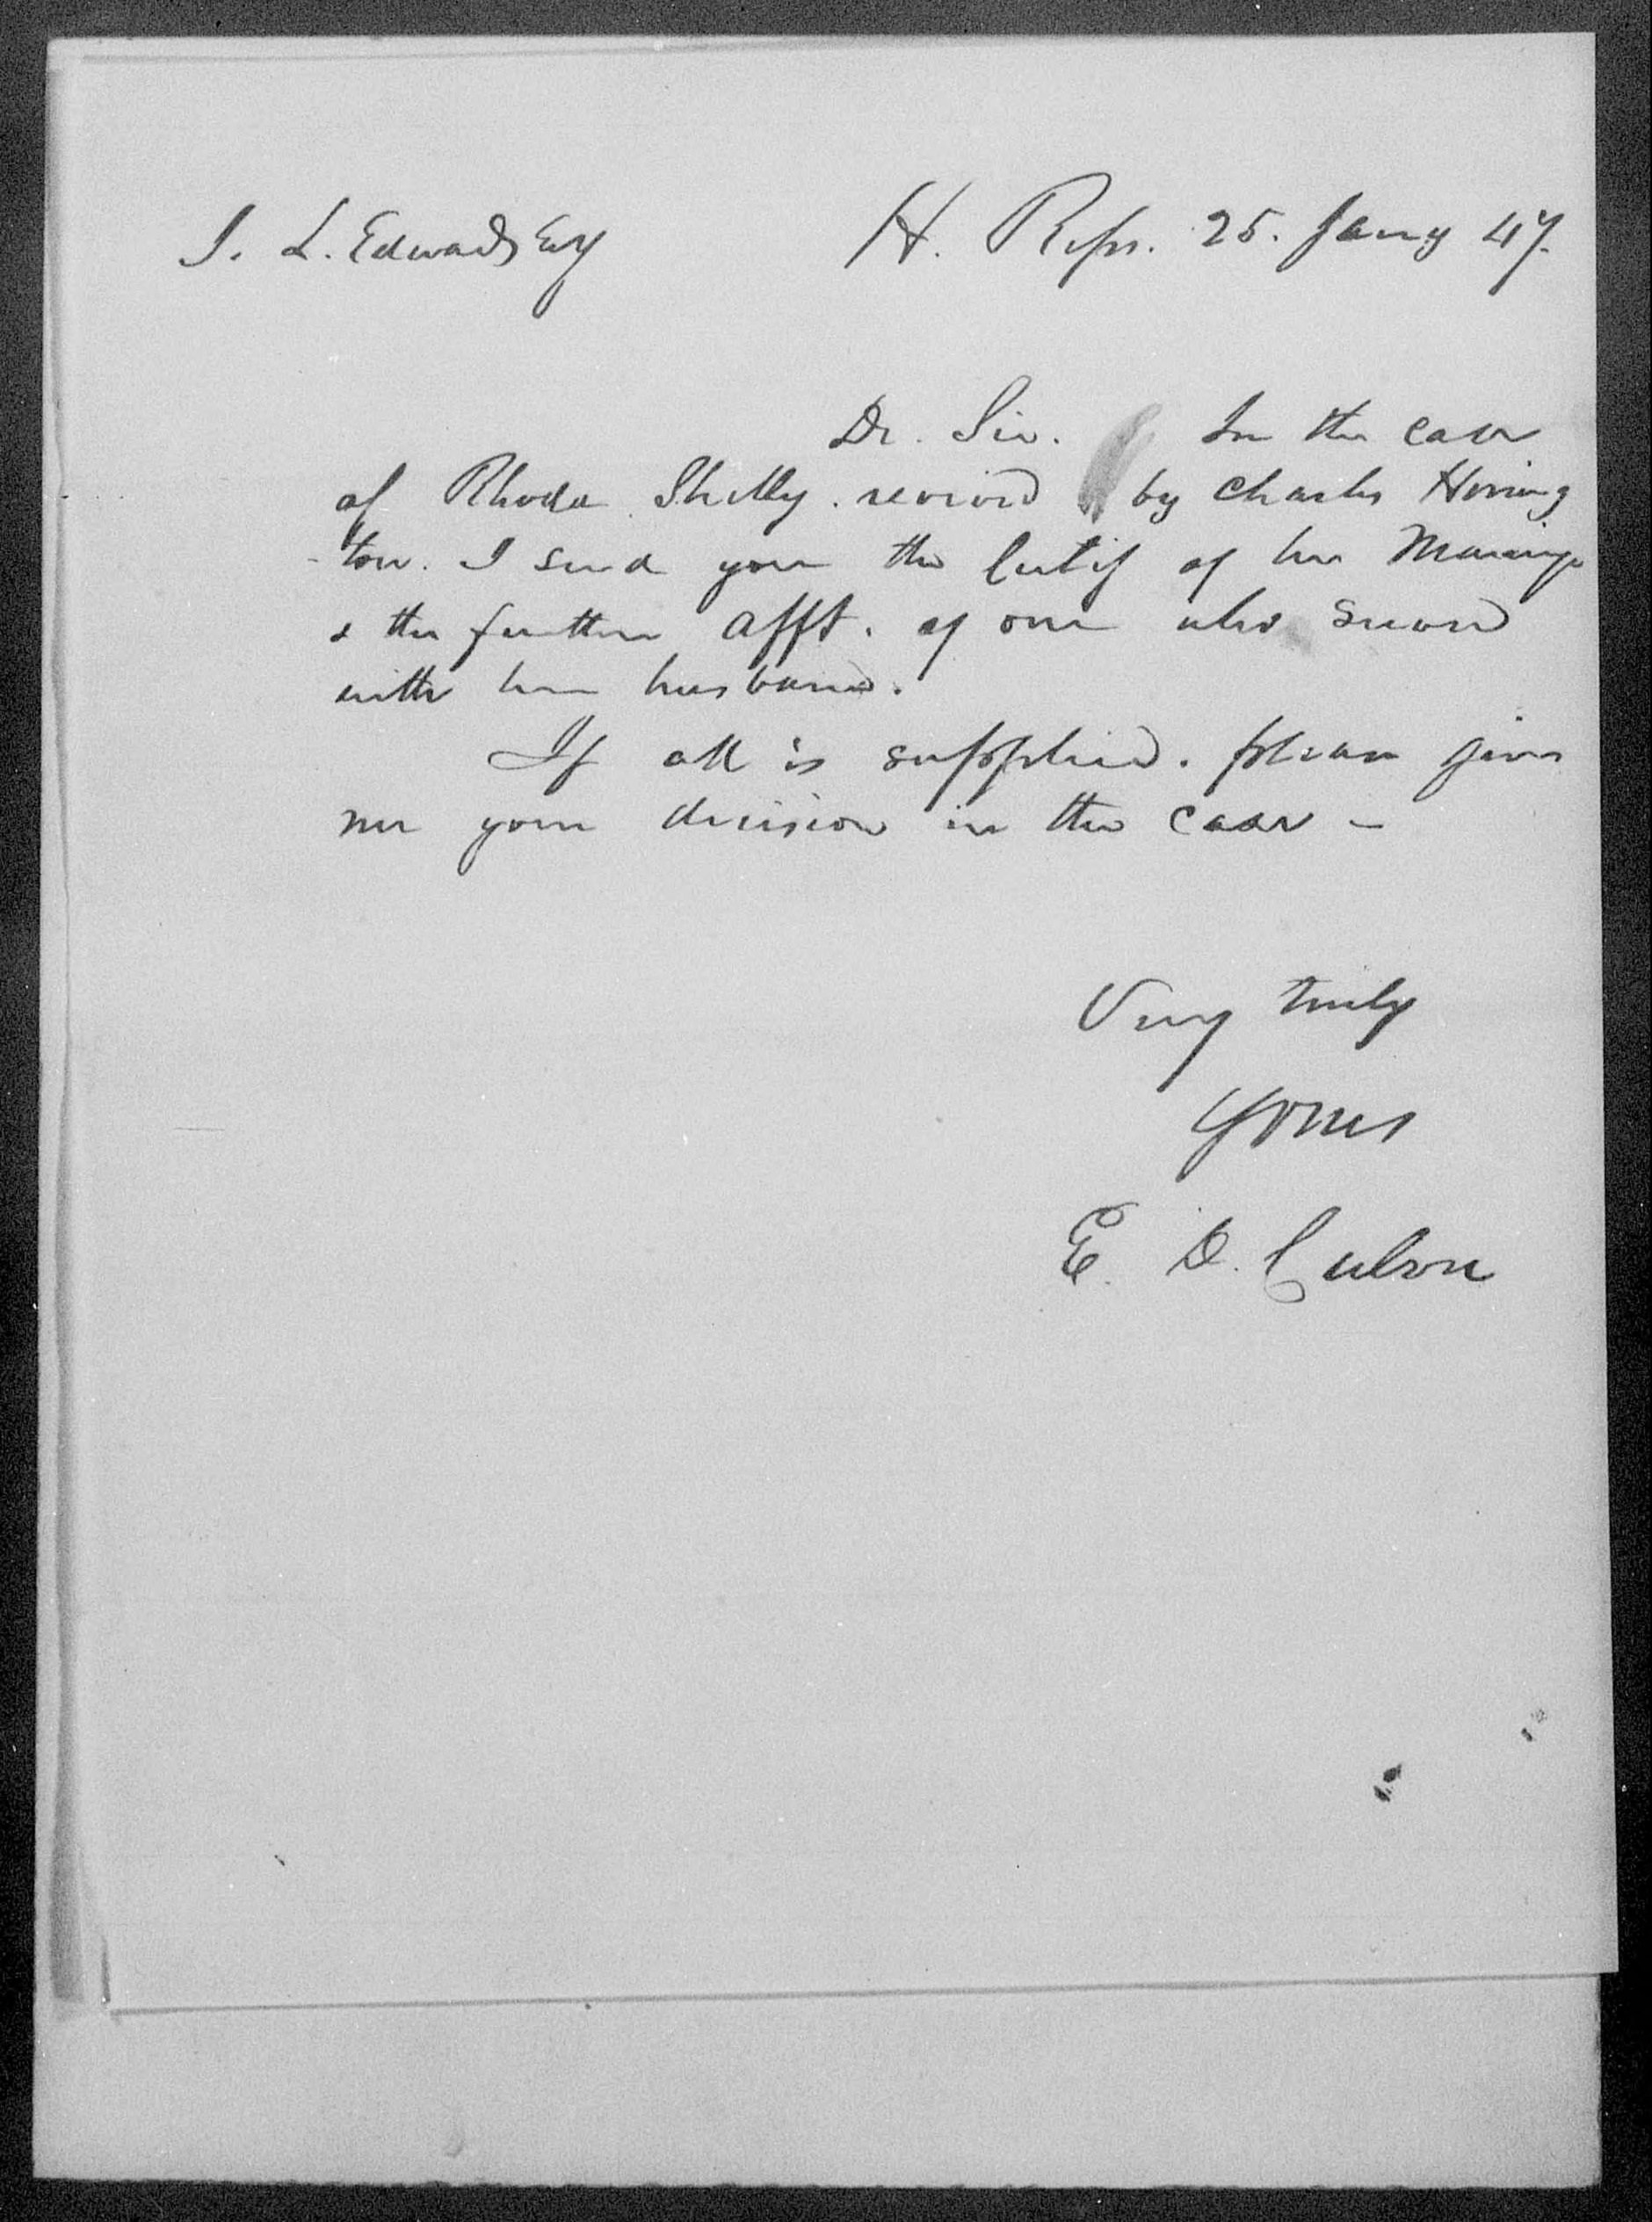J. L. Edwards Esq

H. Reps. [House of Representatives] 25 Jany [January] 47 [1847].

Dr. [Dear] Sir, In the case of Rhoda Shelly revived by Charles Harrington, I send you the Certif [Certificate] of her marriage & the further afft. [affidavit] of one who served with her husband.

If all is supplied, please give me your decision in the case -

Very truly yours
E. D. Culver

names: Rhoda Shelly, J L Edwards, Charles Herrington, E D Culver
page: 46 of 51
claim: widow's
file: W. 19,026, Israel Harrington, R.I.